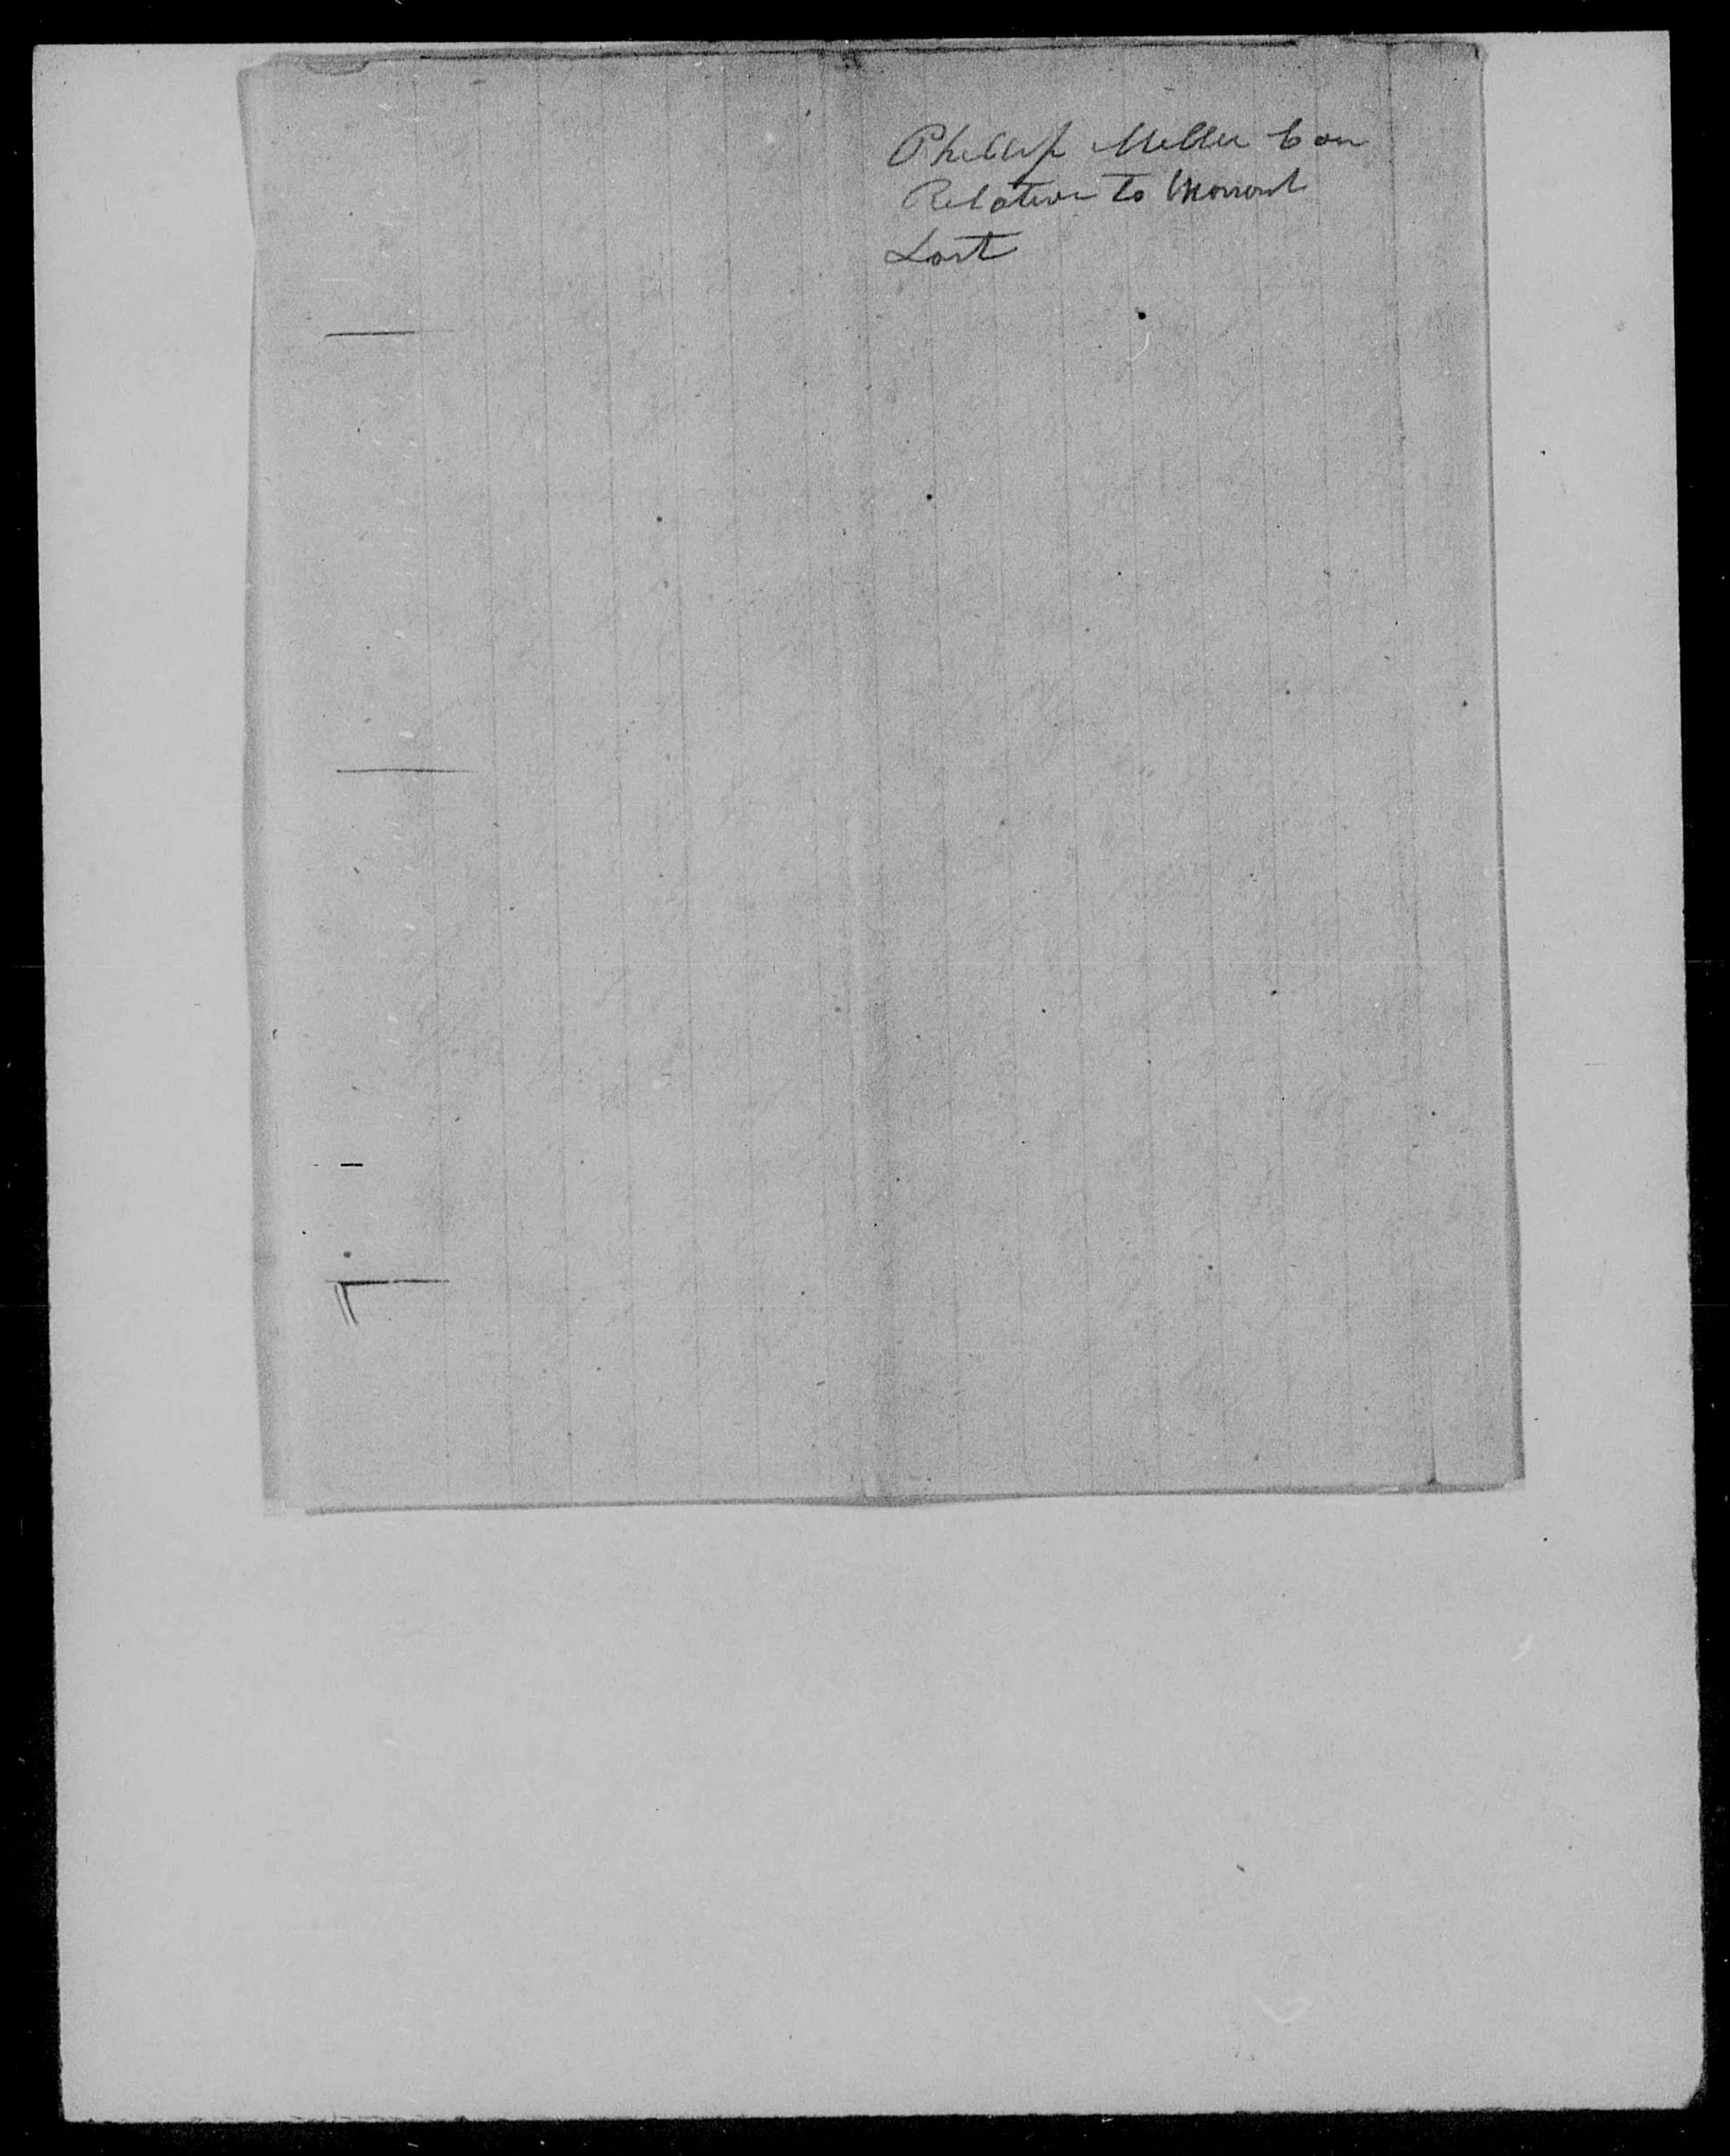Philip Miller Con
Relative to Warrant
Lost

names: Phillip Miller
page: 65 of 92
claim: widow's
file: W 1173, Robert Hamill, Penn.